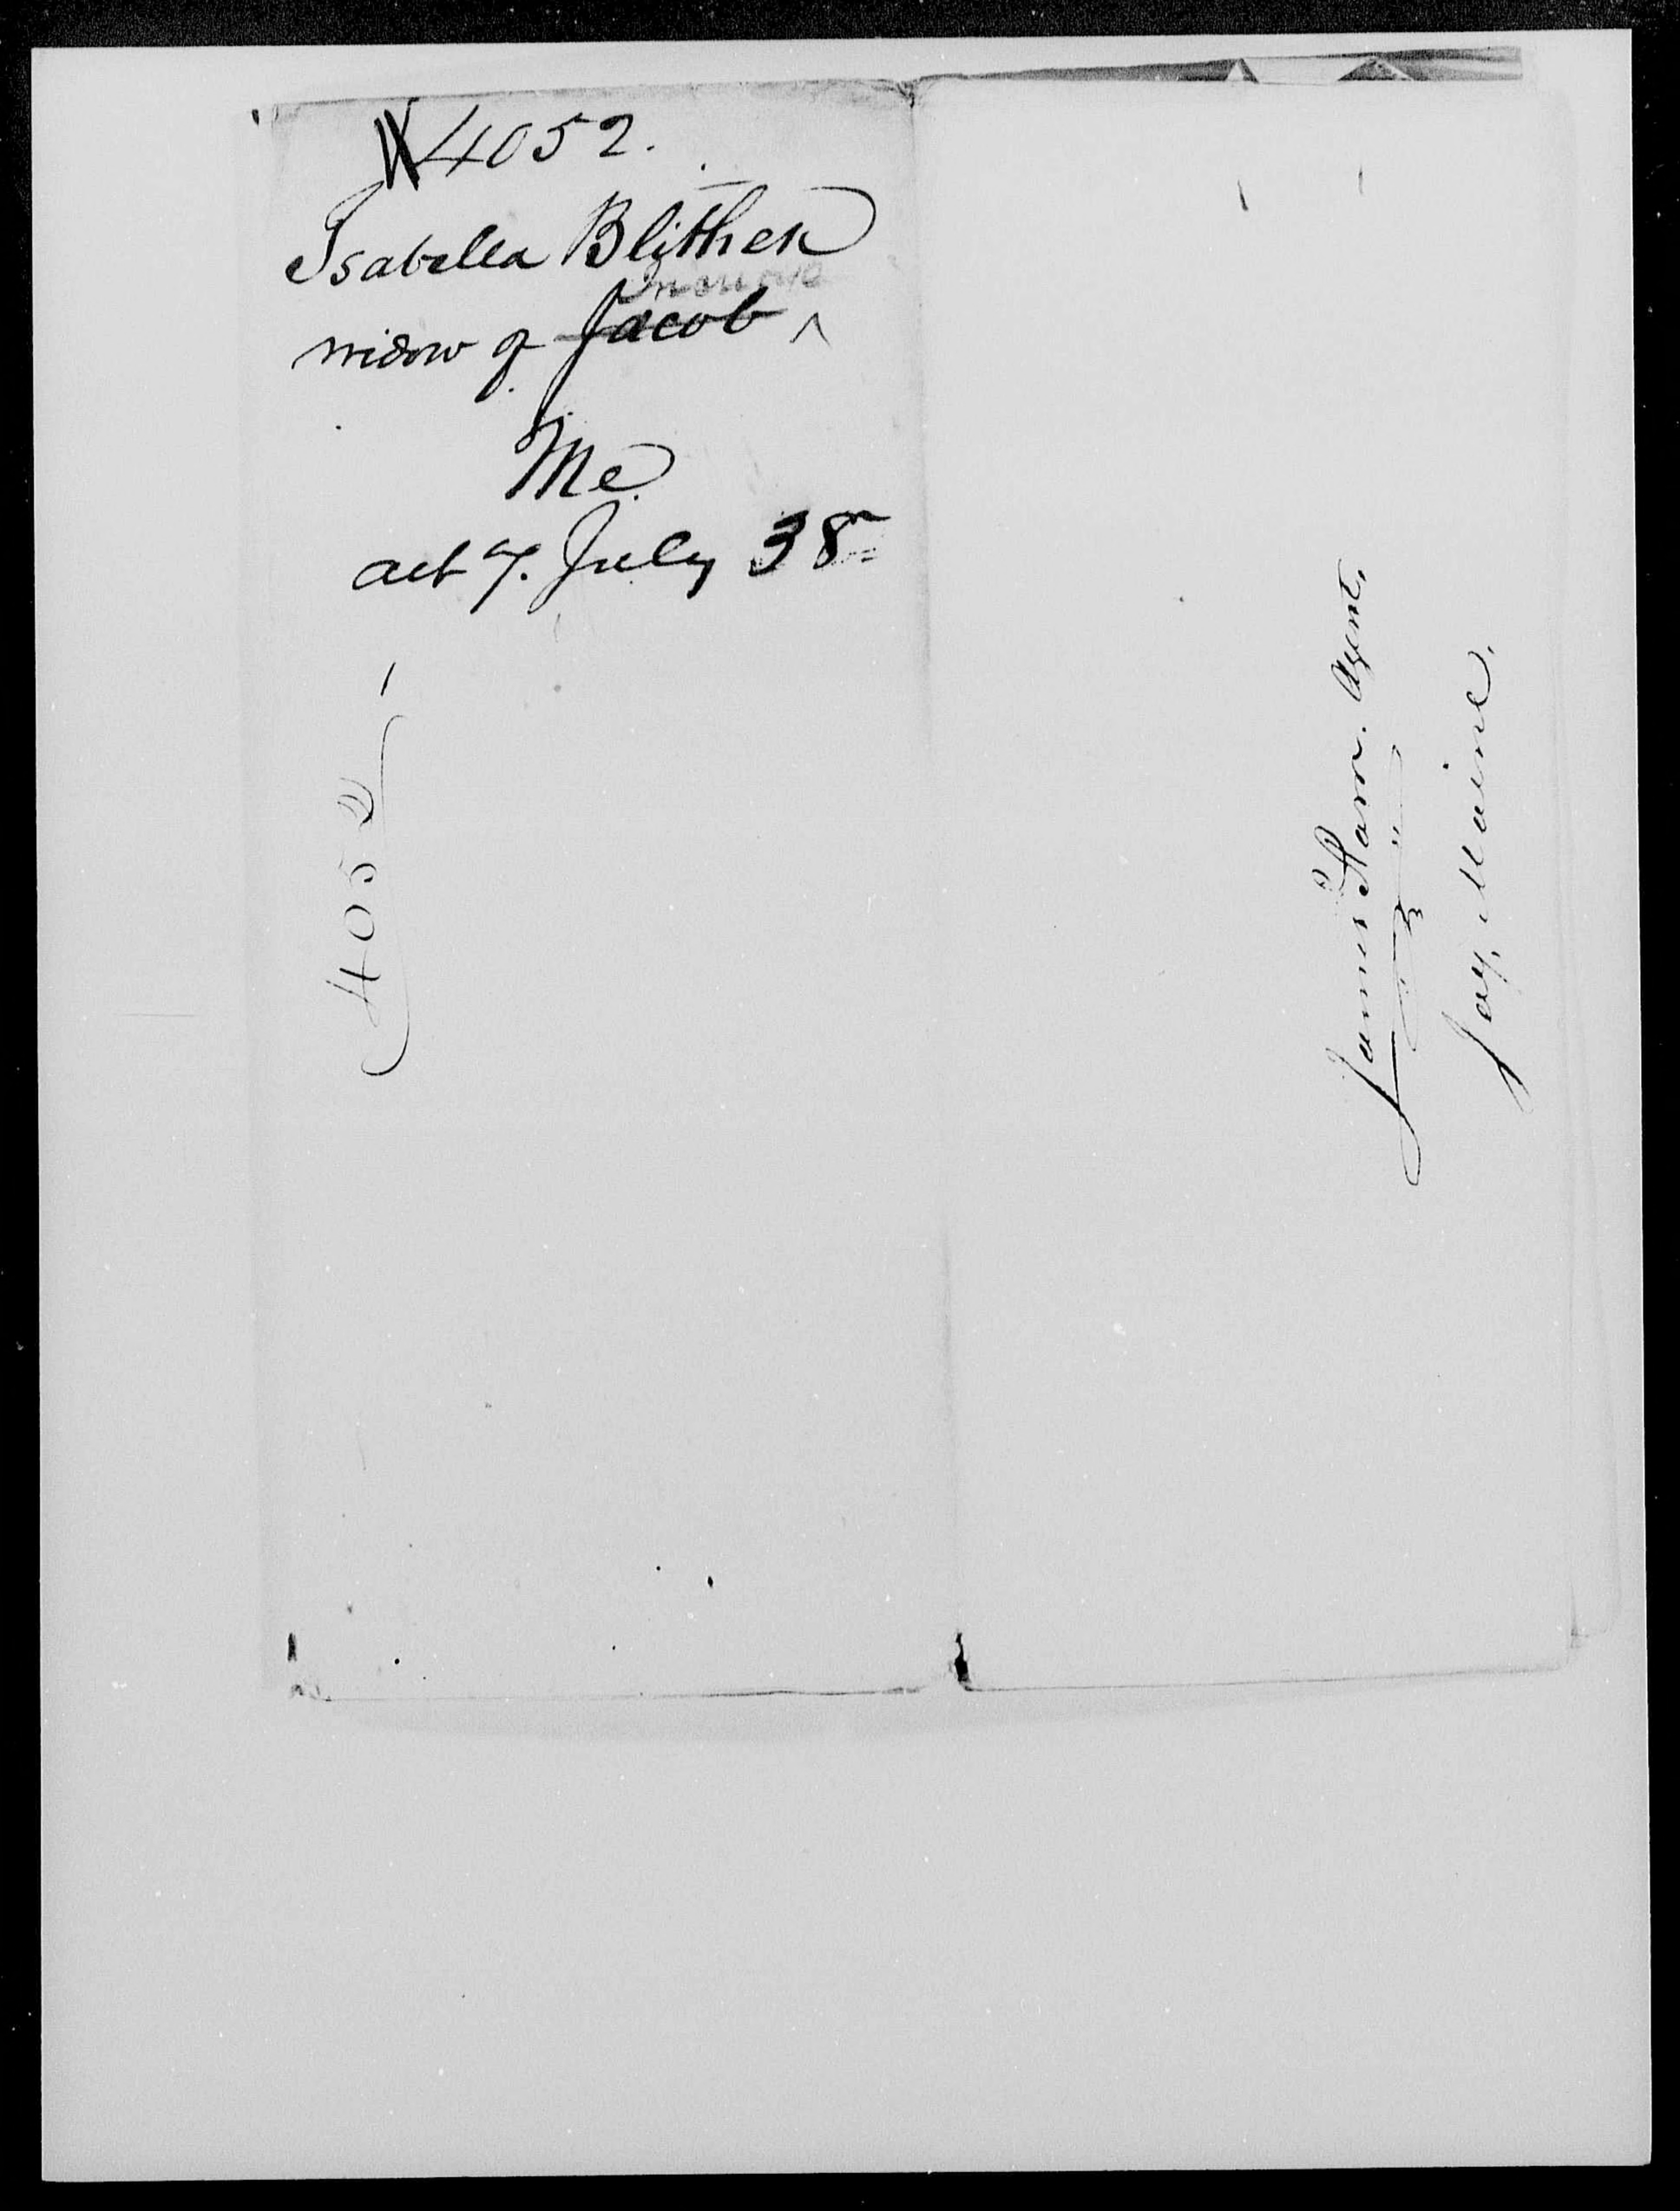#4052
Isabella Blithen
Increase
widow of [crossed out: Jacob]
Me.
Act 7. July 38

[Left side of page diagonally] 4052

[Right side of page diagonally] James Starr Agent
Jay, Maine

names: James Starr, Increase, Isabella Blithen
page: 12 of 39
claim: widow's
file: W. 23,621, Increase Blethen, Mass.